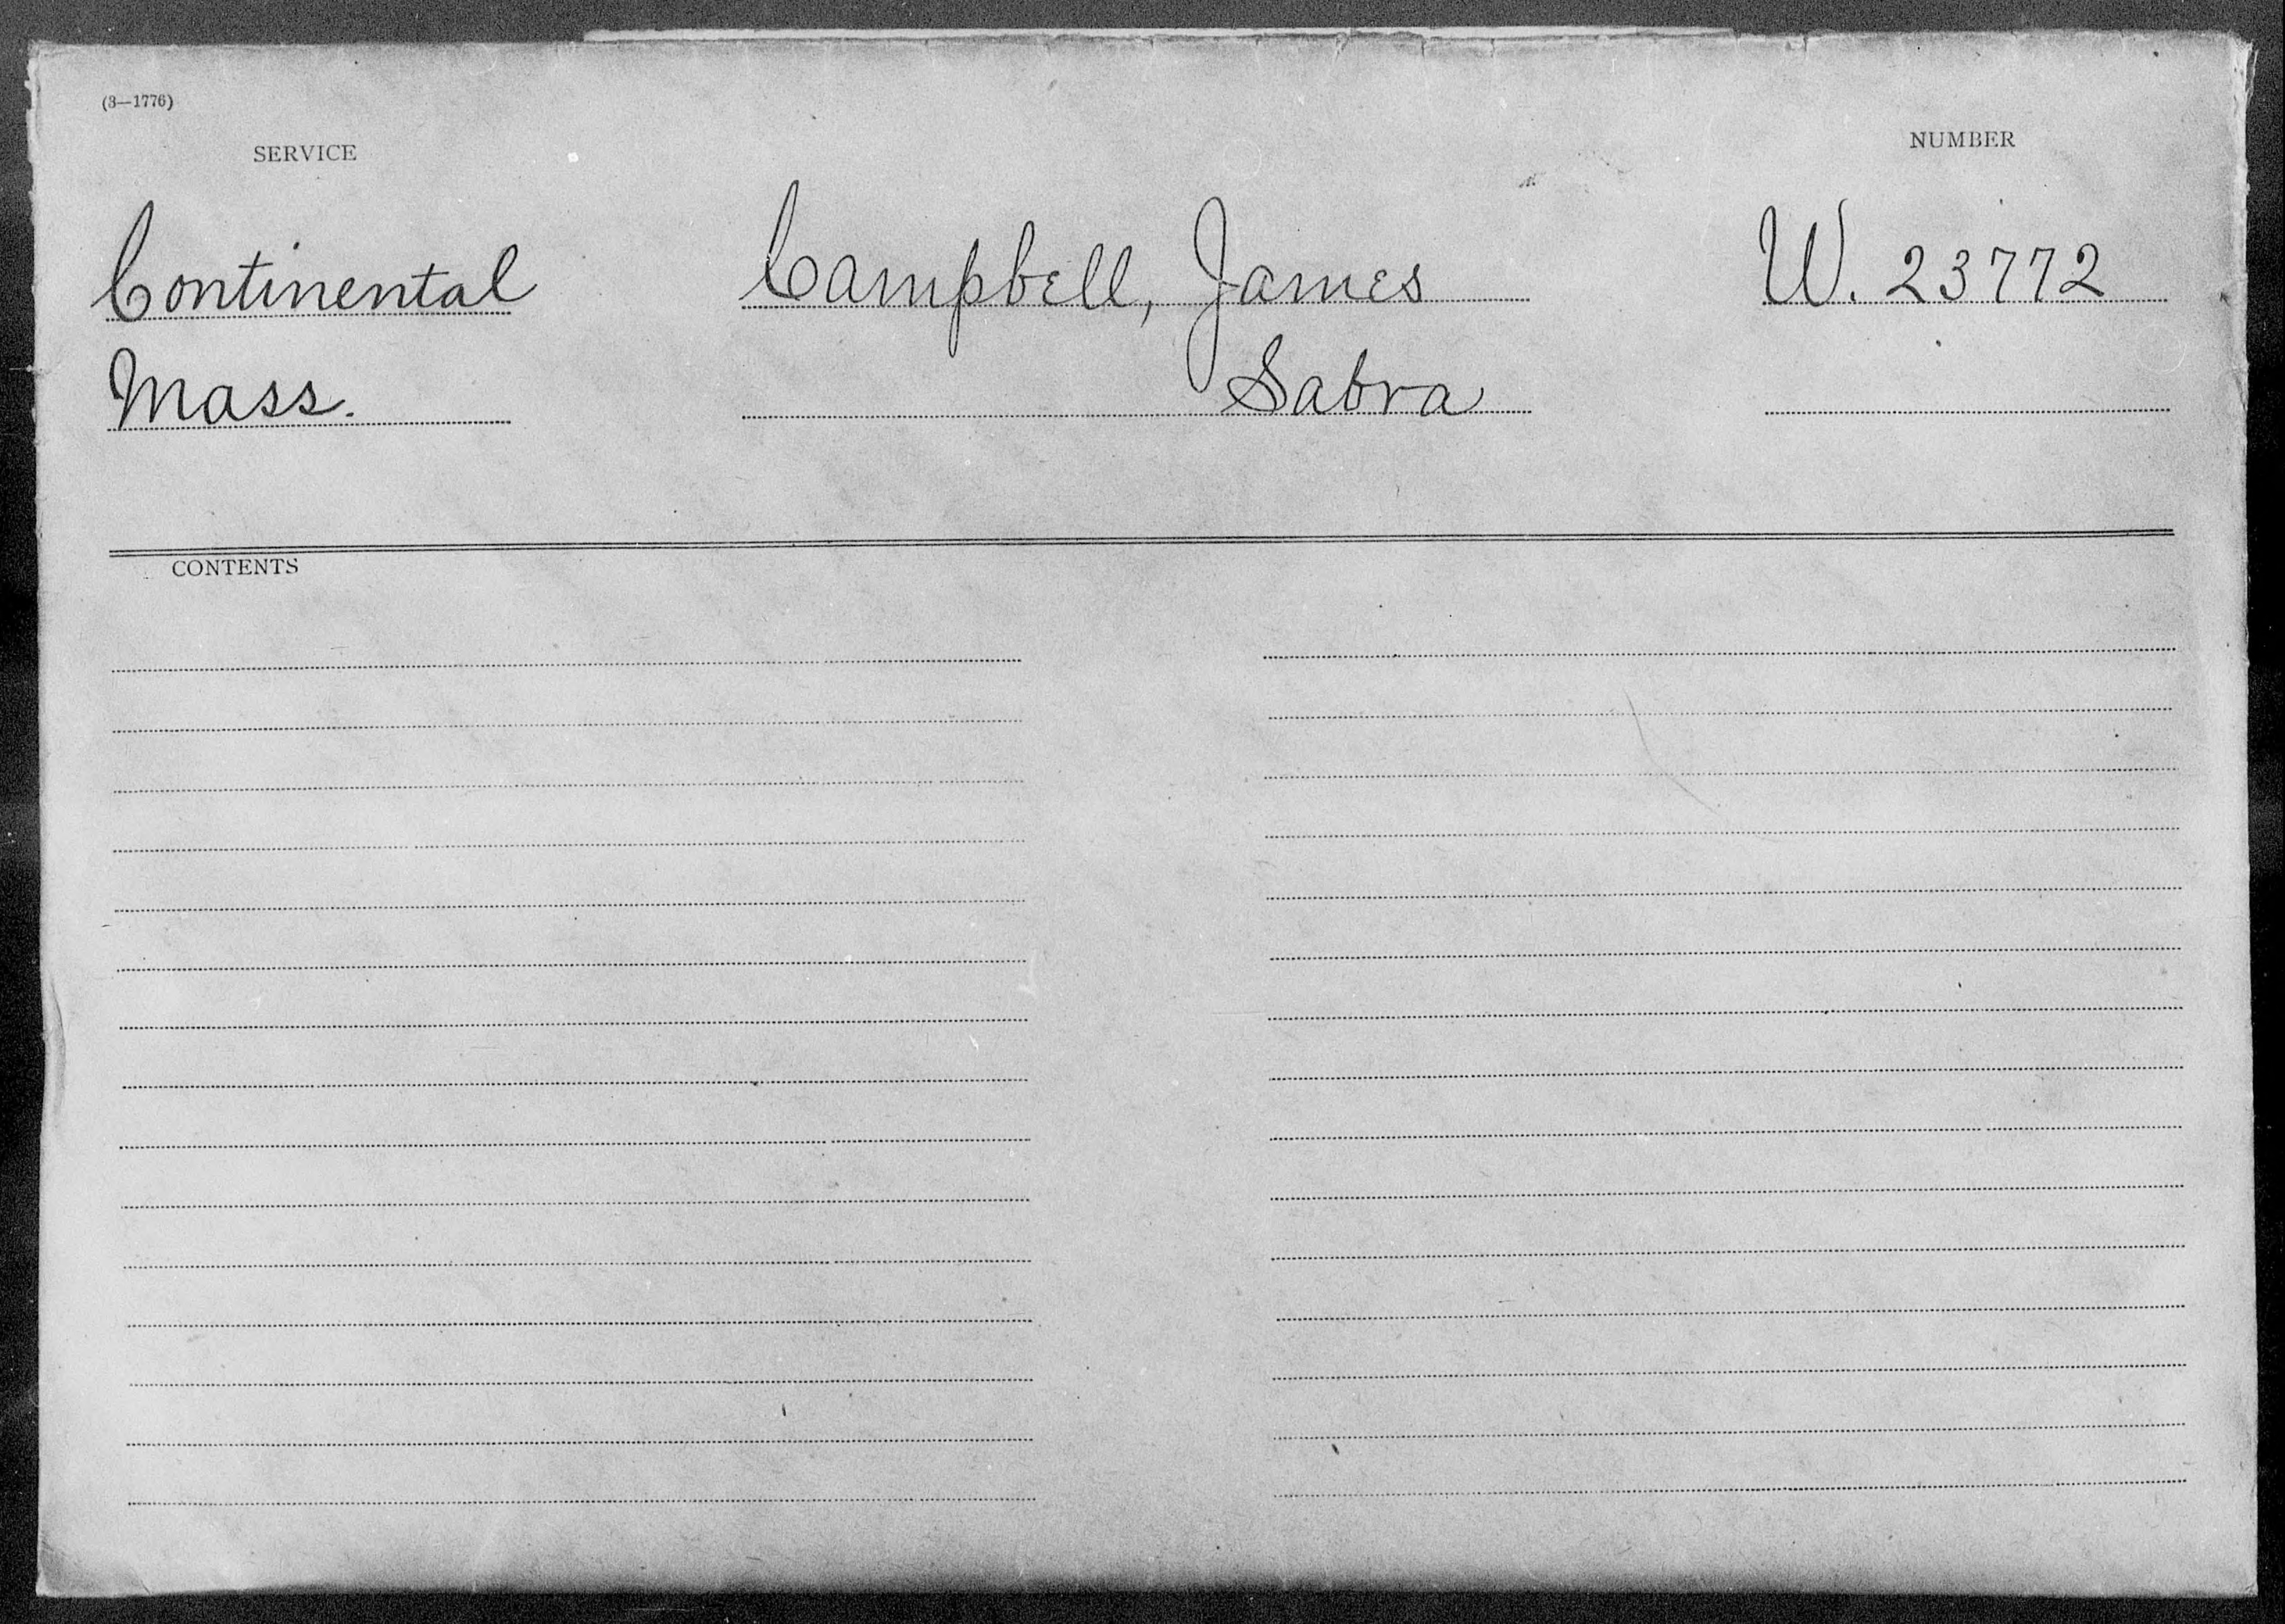(3-1776)

SERVICE
Continental
Mass.

Campbell, James
                 Sabra

NUMBER
W.23772

CONTENTS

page: 1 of 67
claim: widow's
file: W. 23772, James Campbell, Continental Mass.